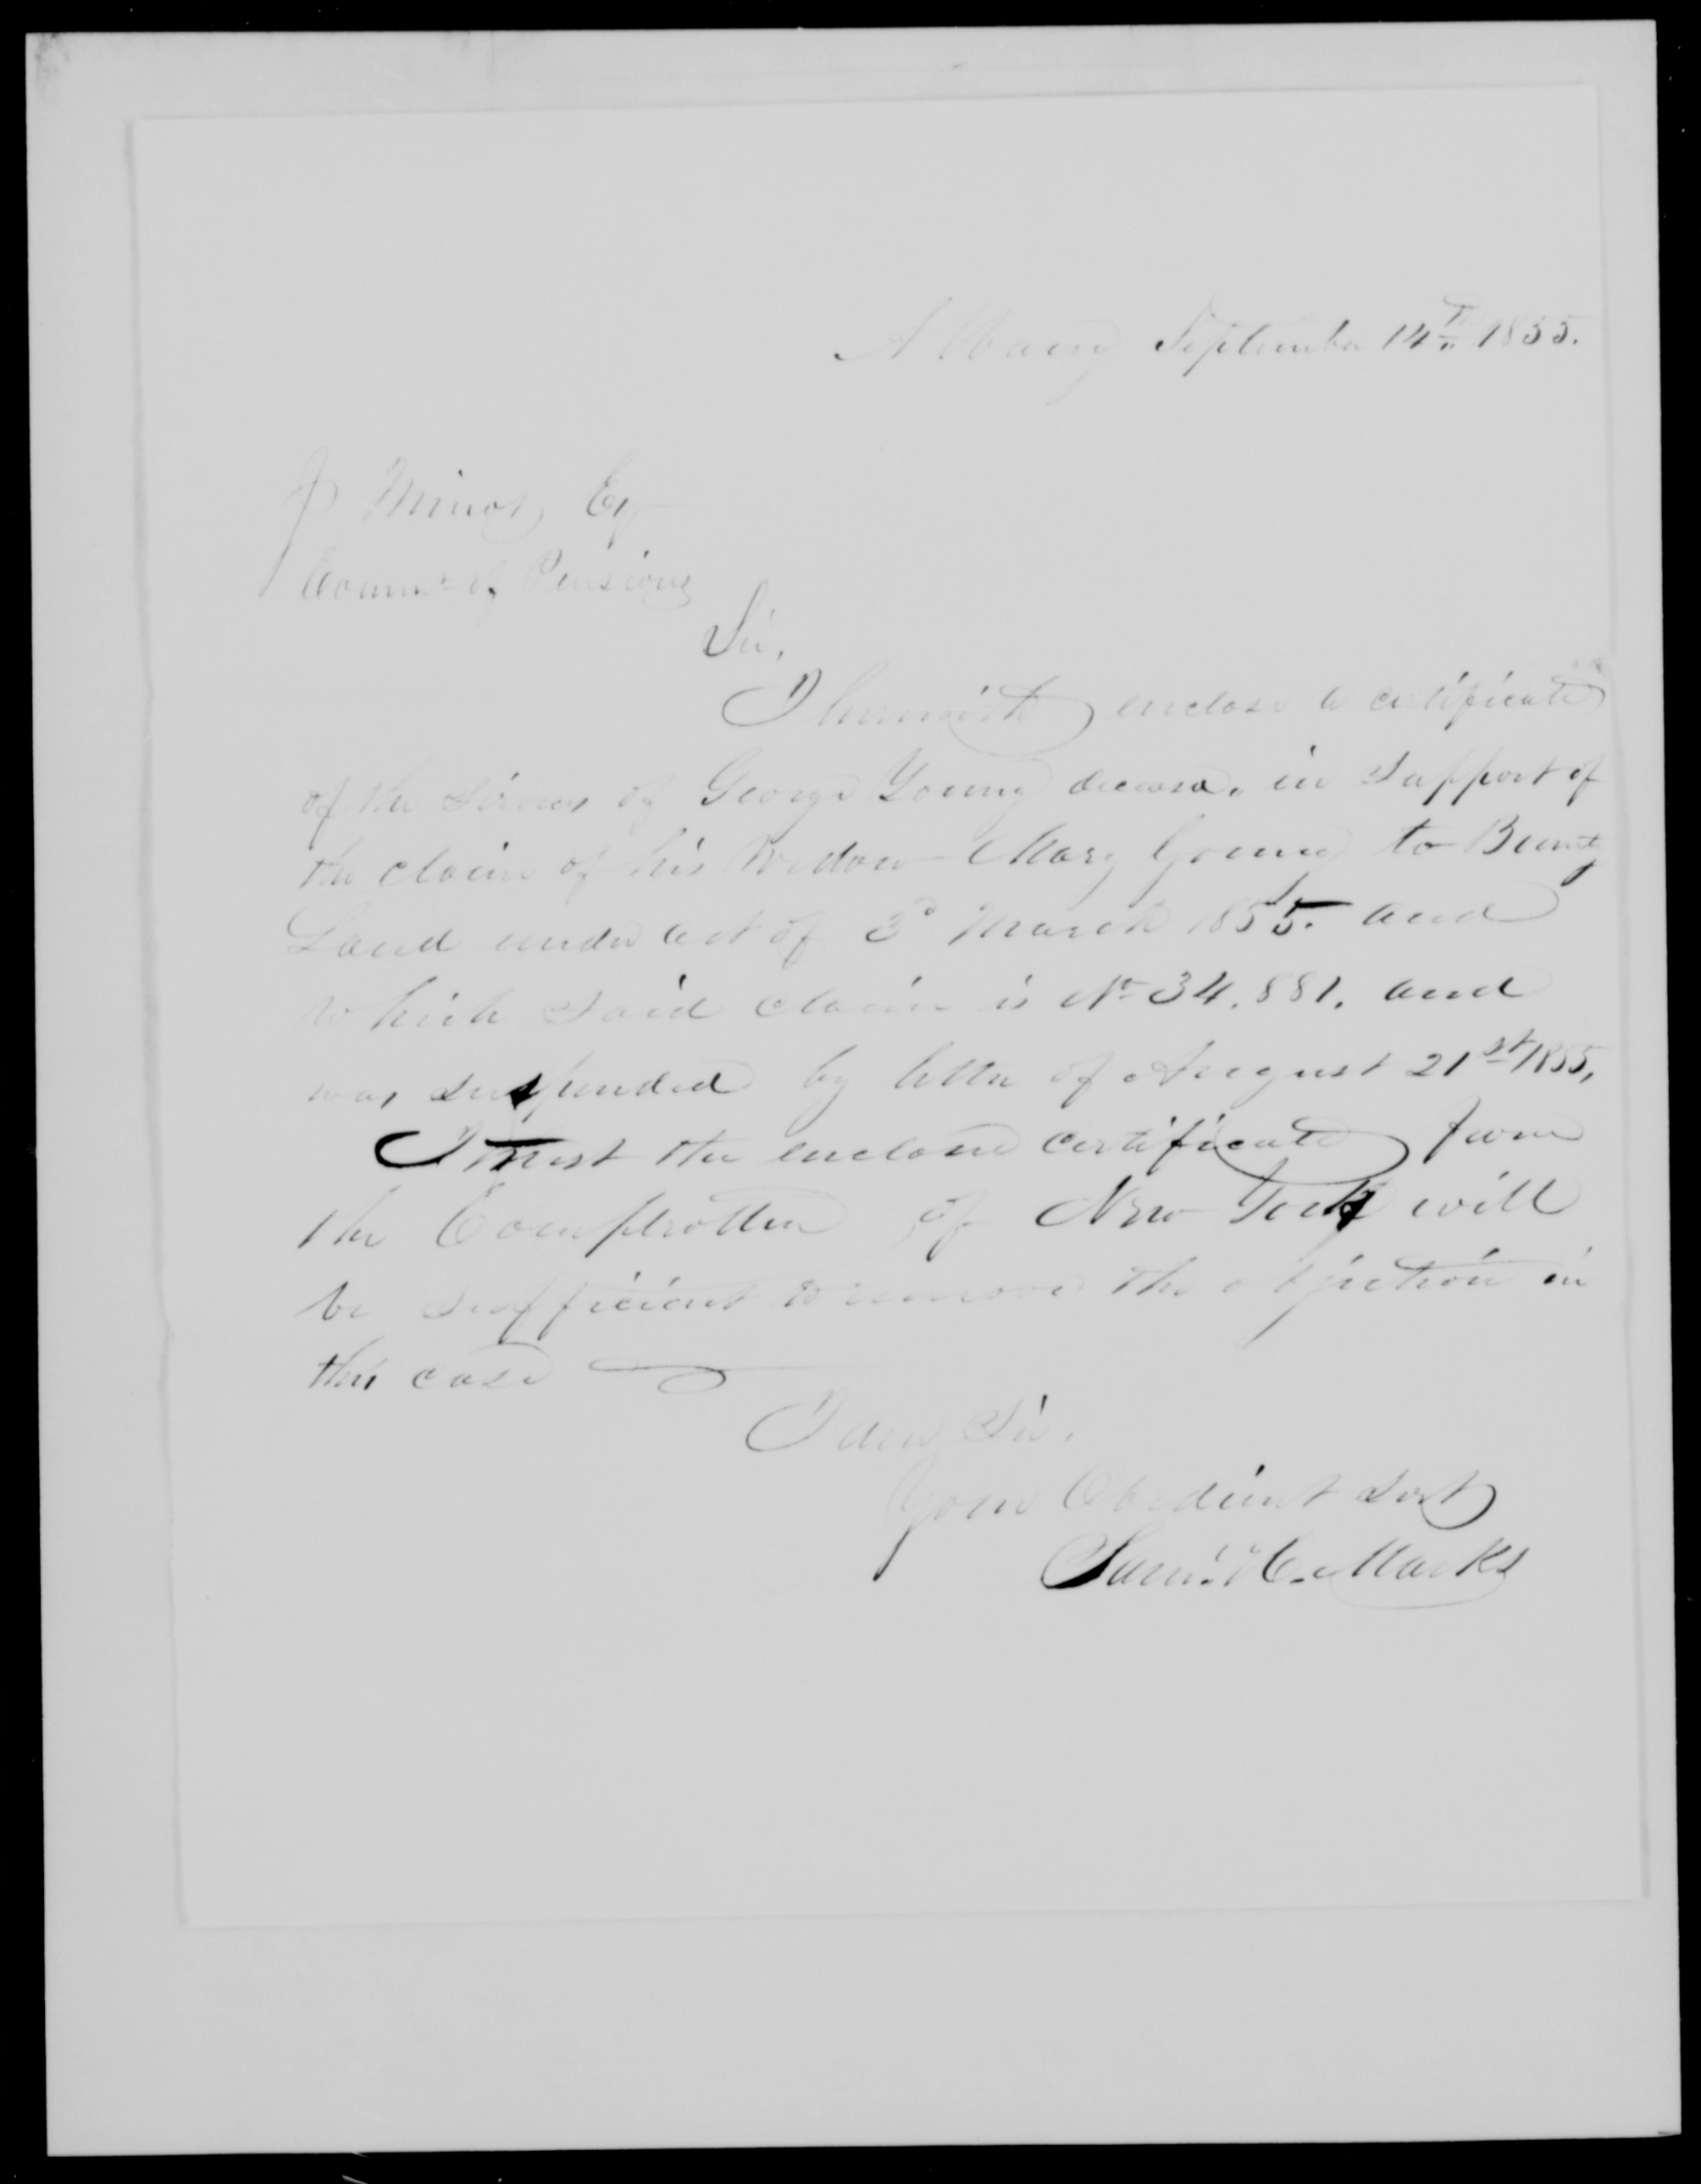of Minor E
Comm Pensions
in September 14th 1835.
Sir,
Therein enclose a certificate
of the site of George Young deceased, in Support of
the claim of his widow Mary Young to Bounty
Land under act of 3d March 1855 and
which said claim is No 34.881, and
was suspended by letter of August 21st 1855,
test the enclosed certificate from
the Comptroller of New York will be
sufficient to remove the objection in
this case

Your Obedient sevt
 Saml H Marks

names: Mary Young, Geogre Young, Saml H Marks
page: 58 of 67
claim: widow's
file: W. 7379, George Young, New Jersey